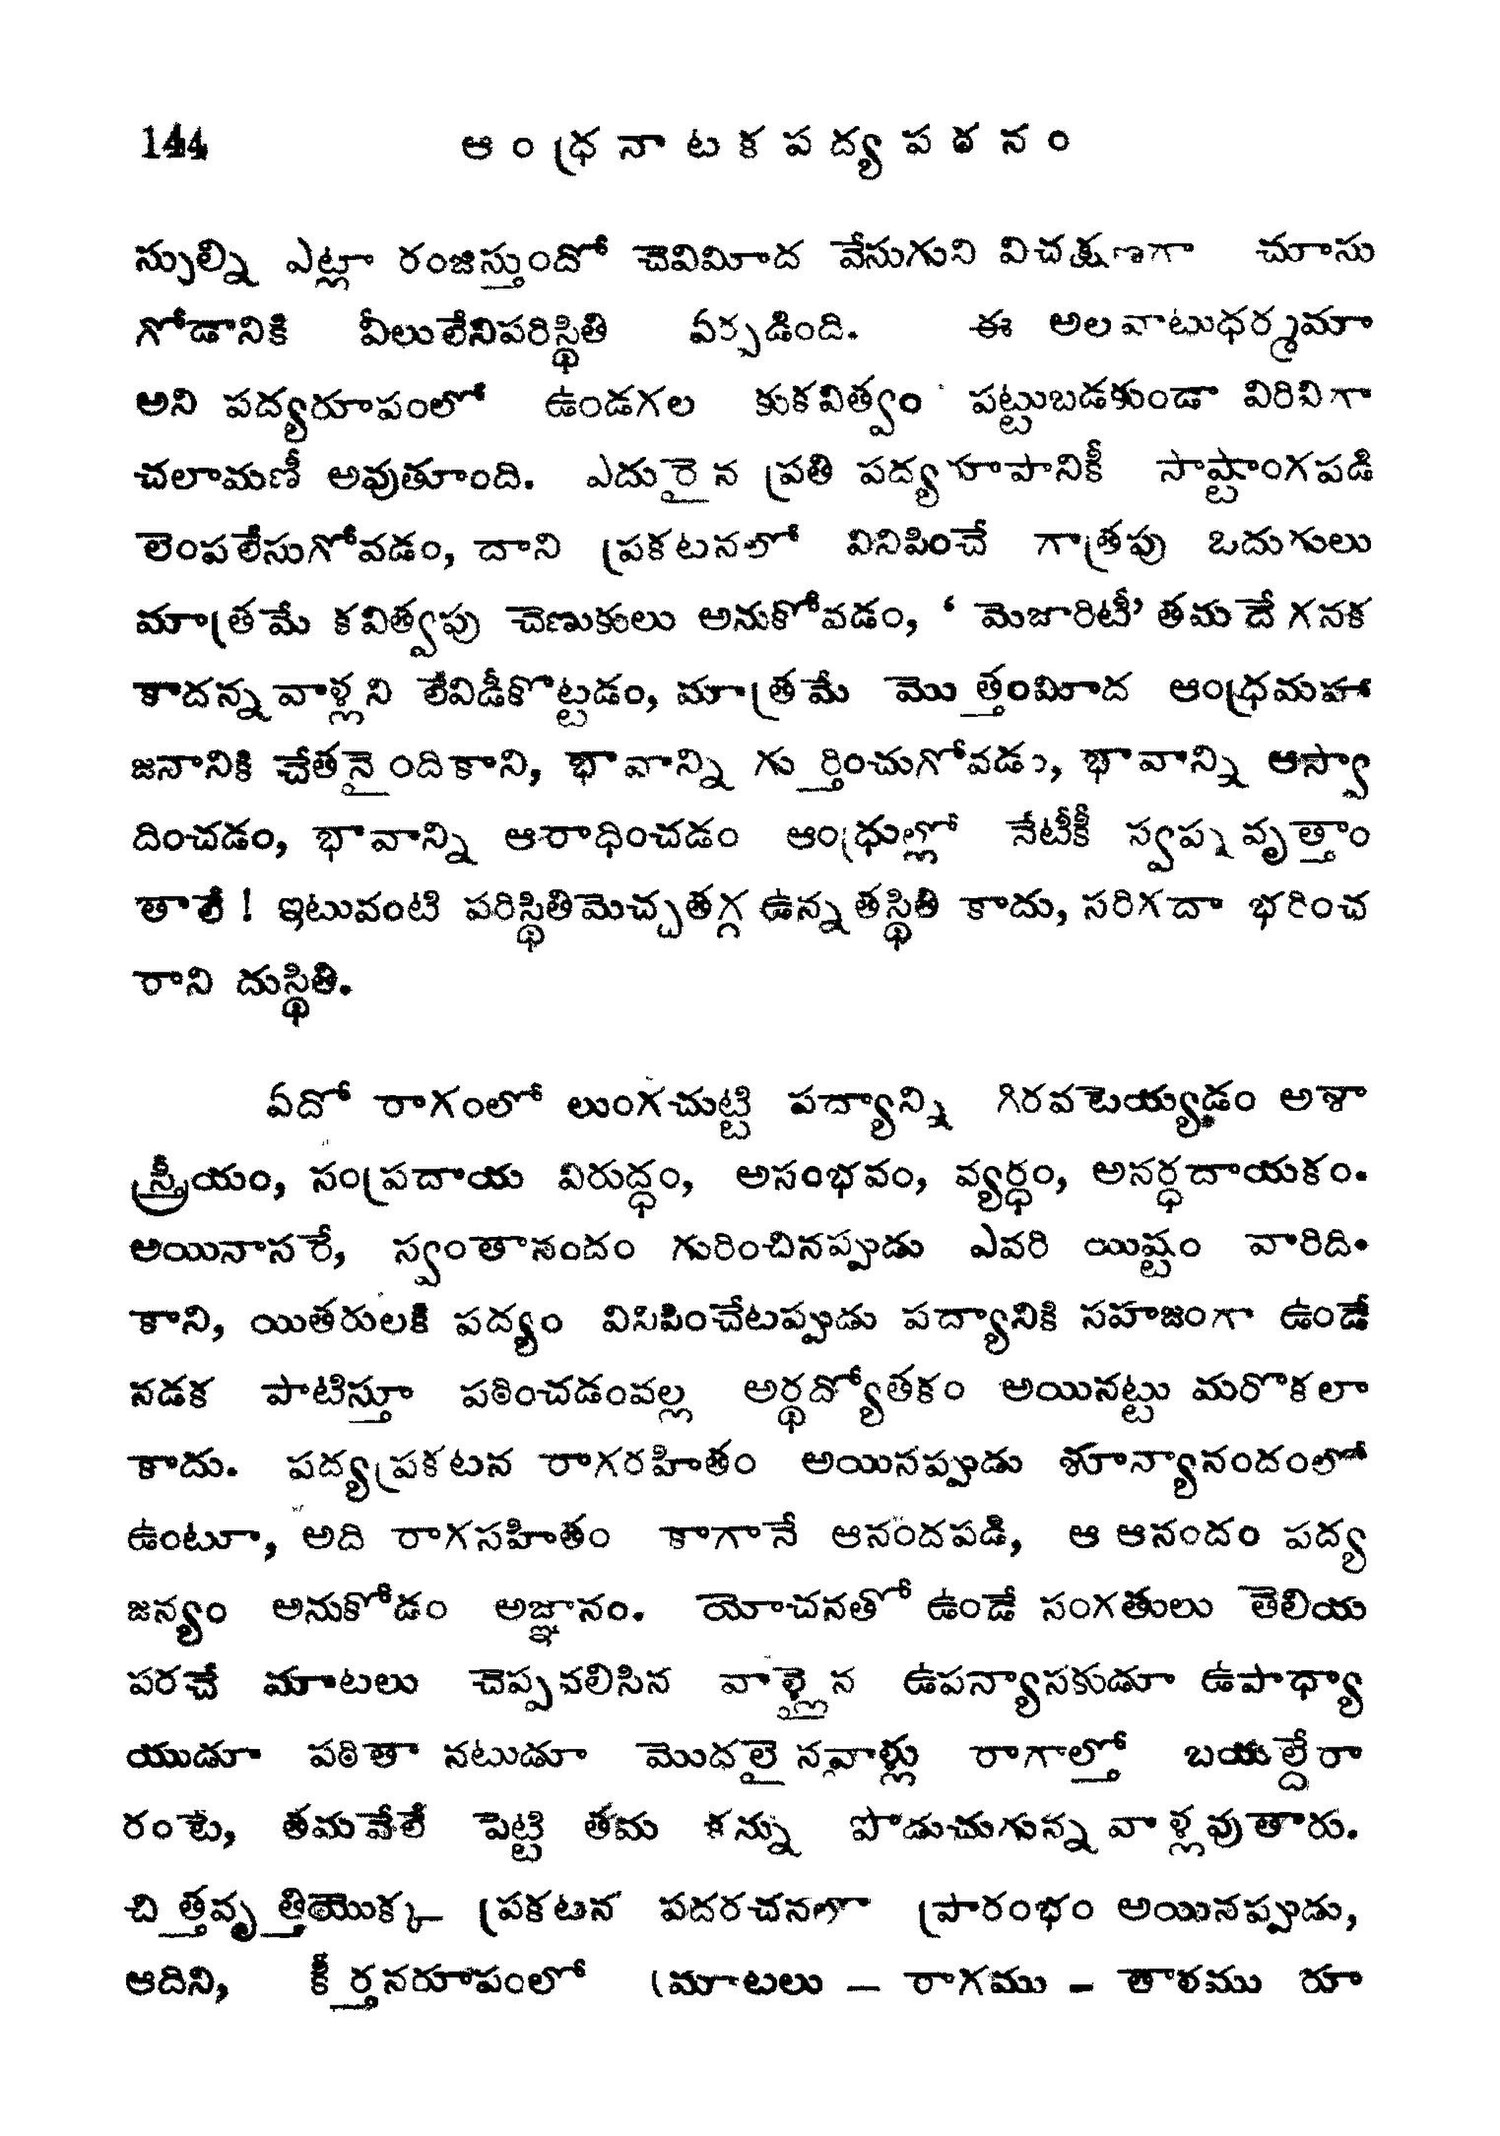న్సుల్ని ఎట్లా రంజిస్తుందో చెవిమీద వేసుగుని విచక్షణగా చూసు
గోడానికి వీలులేనిపరిస్థితి ఏర్పడింది. ఈ అలవాటుధర్మమా
అని పద్యరూపంలో ఉండగల కుకవిత్వం పట్టుబడకుండా విరివిగా
చలామణీ అవుతూంది. ఎదురైన ప్రతి పద్యరూపానికీ సాష్టాంగపడి
లెంపలేసుగోవడం, దాని ప్రకటనలో వినిపించే గాత్రపు ఒదుగులు
మాత్రమే కవిత్వపు చెణుకులు అనుకోవడం, ' మెజారిటీ' తమదే గనక
కాదన్నవాళ్లని లేవిడీకొట్టడం, మాత్రమే మొత్తంమీద ఆంధ్రమహా
జనానికి చేతనైందికాని, భావాన్ని గుర్తించుగోవడం, భావాన్ని ఆస్వా
దించడం, భావాన్ని ఆరాధించడం ఆంధ్రుల్లో నేటీకీ స్వప్న వృత్తాం
తాలే ! ఇటువంటి పరిస్థితిమెచ్చతగ్గ ఉన్నతస్థితి కాదు, సరిగదా భరించ
రాని దుస్థితి.

ఏదో రాగంలో లుంగచుట్టి పద్యాన్ని గిరవటెయ్యడం అశా
స్త్రీయం, సంప్రదాయ విరుద్ధం, అసంభవం, వ్యర్ధం అనర్ధదాయకం.
అయినాసరే, స్వంతానందం గురించినప్పుడు ఎవరి యిష్టం వారిది.
కాని, యితరులకి పద్యం వినిపించేటప్పుడు పద్యానికి సహజంగా ఉండే
నడక పాటిస్తూ పఠించడంవల్ల అర్థద్యోతకం అయినట్టు మరొకలా
కాదు. పద్యప్రకటన రాగరహితం అయినప్పుడు శూన్యానందంలో
ఉంటూ, అది రాగసహితం కాగానే ఆనందపడి, ఆ ఆనందం పద్య
జన్యం అనుకోడం అజ్ఞానం. యోచనతో ఉండే సంగతులు తెలియ
పరచే మాటలు చెప్పవలిసిన వాళ్లైన ఉపన్యాసకుడూ ఉపాధ్యా
యుడూ పఠితా నటుడూ మొదలైనవాళ్లు రాగాల్తో బయల్దేరా
రంటె, తమవేలే పెట్టి తమ కన్ను పొడుచుగున్న వాళ్లవుతారు.
చిత్తవృత్తియొక్క ప్రకటన పదరచనలో ప్రారంభం అయినప్పుడు,
ఆదిని, కీర్తనరూపంలో (మాటలు - రాగము - తాళము రూ